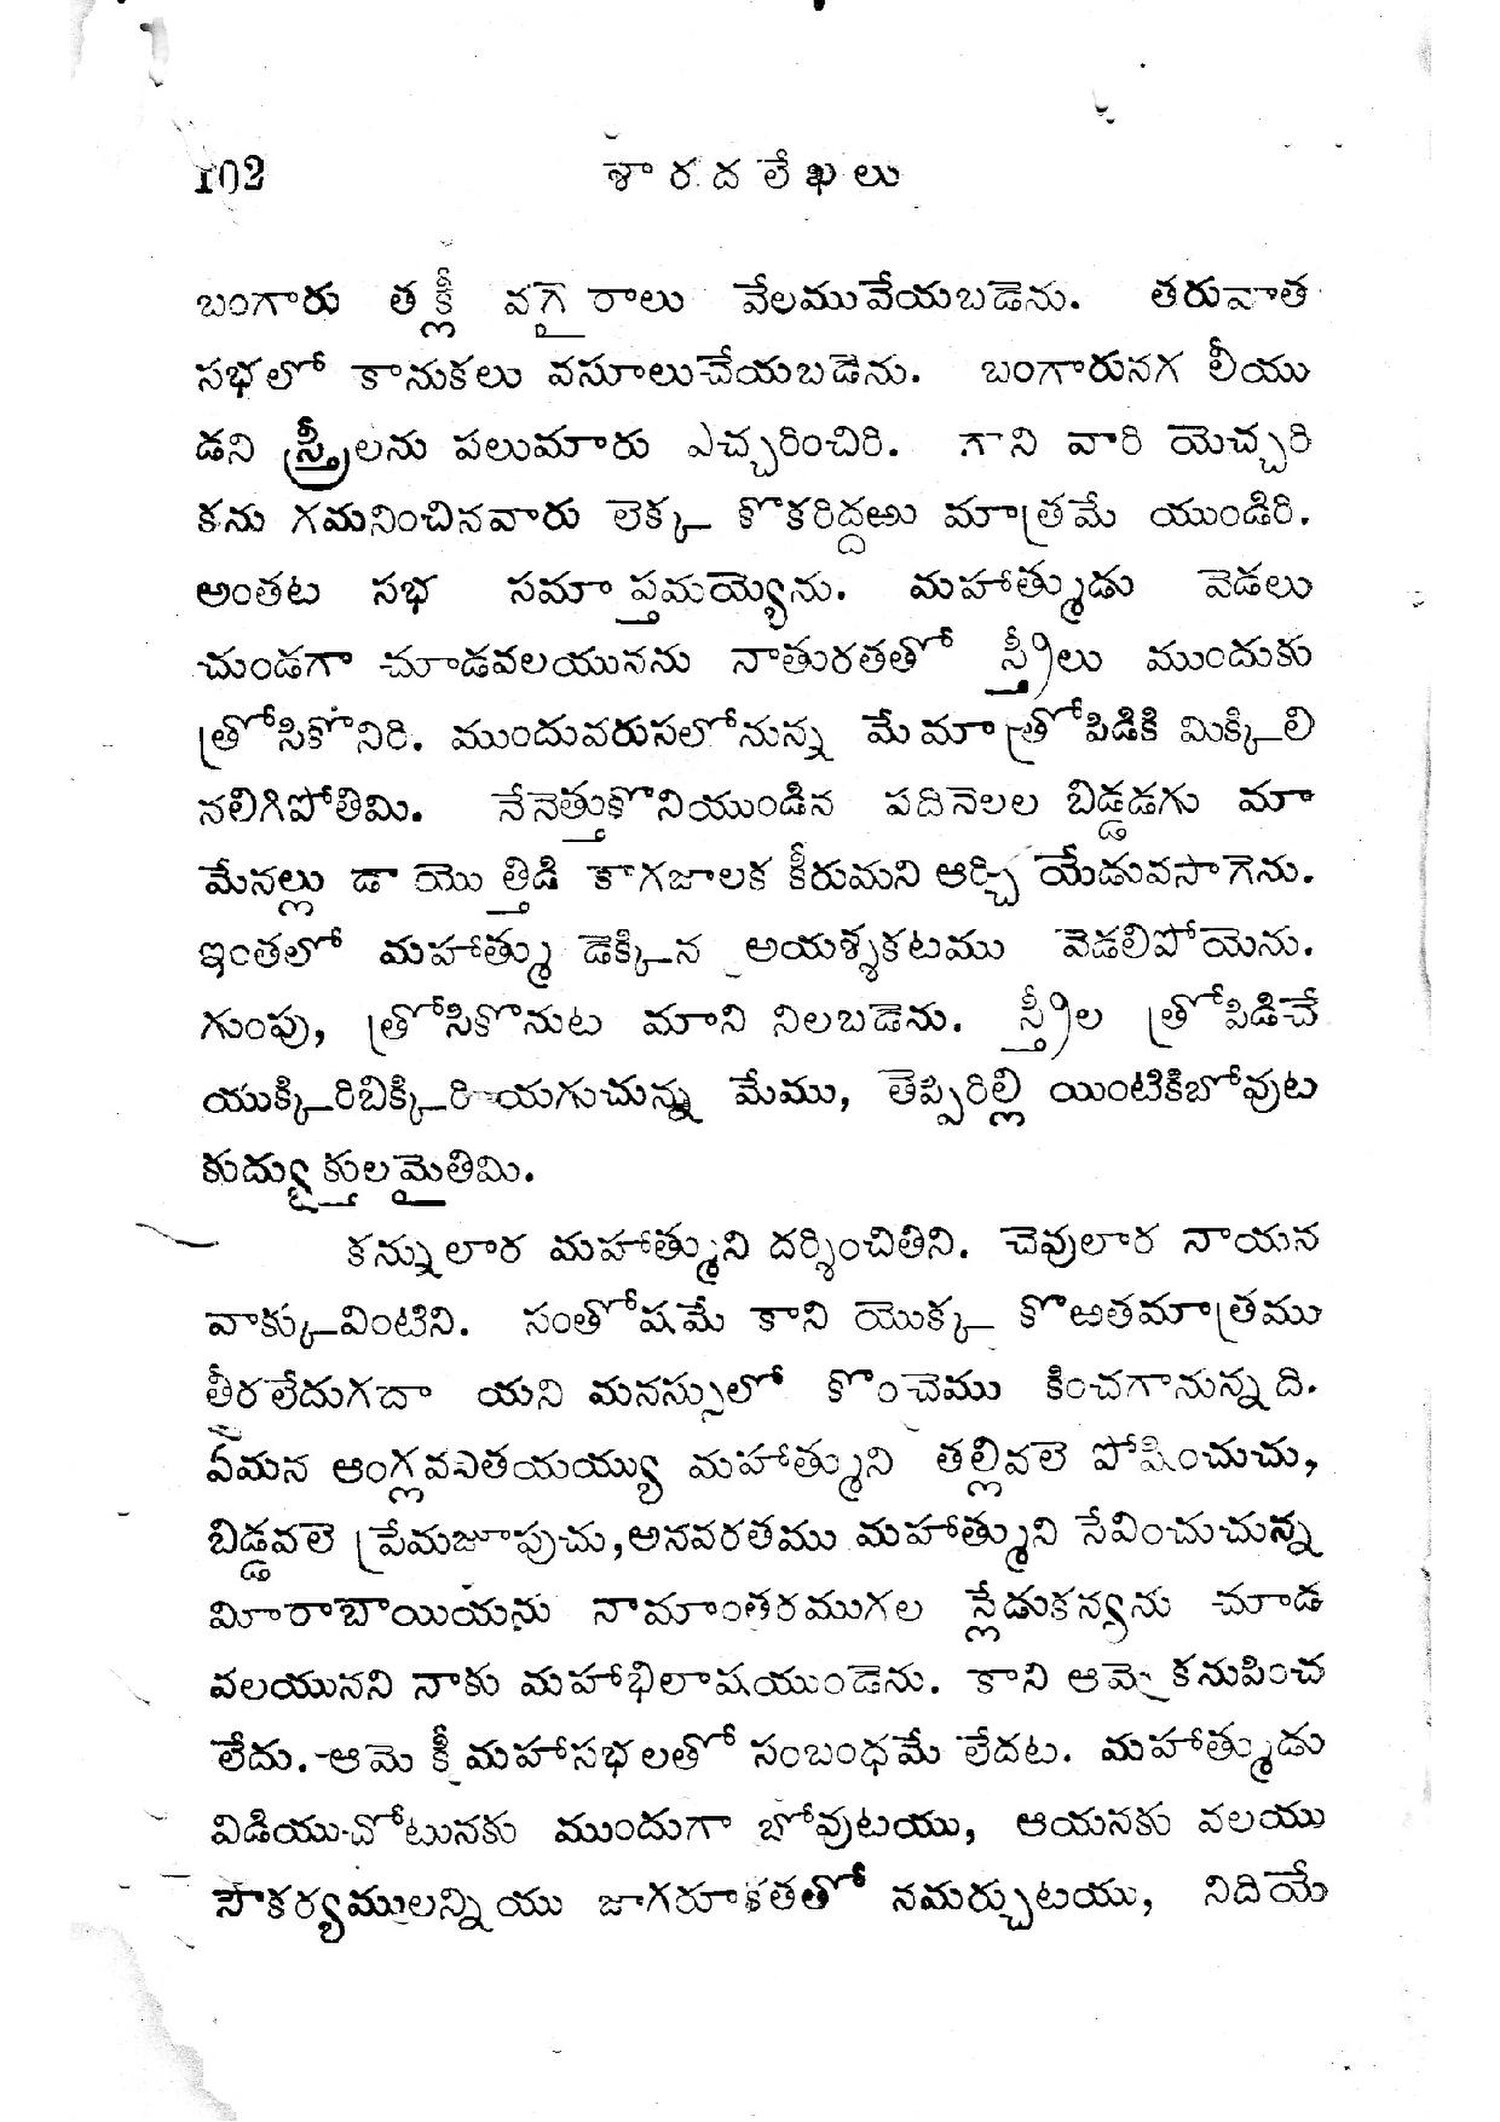బంగారు తక్లీ వగైరాలు వేలమువేయబడెను.తరువాత
సభలో కానుకలు వసూలుచేయబడెను.బంగారునగ లీయు 
డని స్త్రీలను పలుమారు ఎచ్చరించిరి. గాని వారి యెచ్చరి
కను గమనించినవారు లెక్క కొకరిద్దఱు మాత్రమే యుండిరి.
అంతట సభ సమాప్తమయ్యెను. మహాత్ముడు వెడలు
చుండగా చూడవలయునను నాతురతతో స్త్రీలు ముందుకు 
త్రోసికొనిరి. ముందువరుసలో నున్న మేమాత్రోపిడికి మిక్కిలి నలిగిపోతిమి.నేనెత్తుకొనియుండిన పదినెలల బిడ్డడుగు మా 
మేనల్లు డా యొ త్తిడి కాగజాలక కీరుమని ఆర్చి యేడువసాగెను.
ఇంతలో మహాత్ము డెక్కిన అయశ్శకటము వెడలిపోయెను.
గుంపు, త్రోసికొనుట మాని నిలబడెను. స్త్రీల త్రోపిడిచే 
యుక్కిరిబిక్కిరి యగుచున్న మేము, తెప్పిరిల్లి యింటికిబోవుట
కుద్యుకులమైతిమి.

కన్నులార మహాత్ముని దర్శించితిని. చెవులార నాయన
వాక్కువింటిని. సంతోషమే కాని యొక్క కొఱతమాత్రము
తీరలేదుగదా యని మనస్సులో కొంచెము కించగానున్నది.
ఏమన ఆంగ్లవనితయయ్యు మహాత్ముని తల్లివలె పోషించుచు,
బిడ్డవలె ప్రేమజూపుచు, అనవరతము మహాత్ముని సేవించుచున్న
మీరాబాయియను నామాంతరముగల న్లేడుకన్యను చూడ
వలయునని నాకు మహాభిలాషయుండెను. కాని ఆమె కనిపించ
లేదు.ఆమె కీ మహాసభలతో సంబంధమే లేదట. మహాత్ముడు 
విడియుచోటునకు ముందుగా బోవుటయు, ఆయనకు వలయు
సౌకర్యములన్నియు జాగరూకతతో నమర్చుటయు,నీదియే.